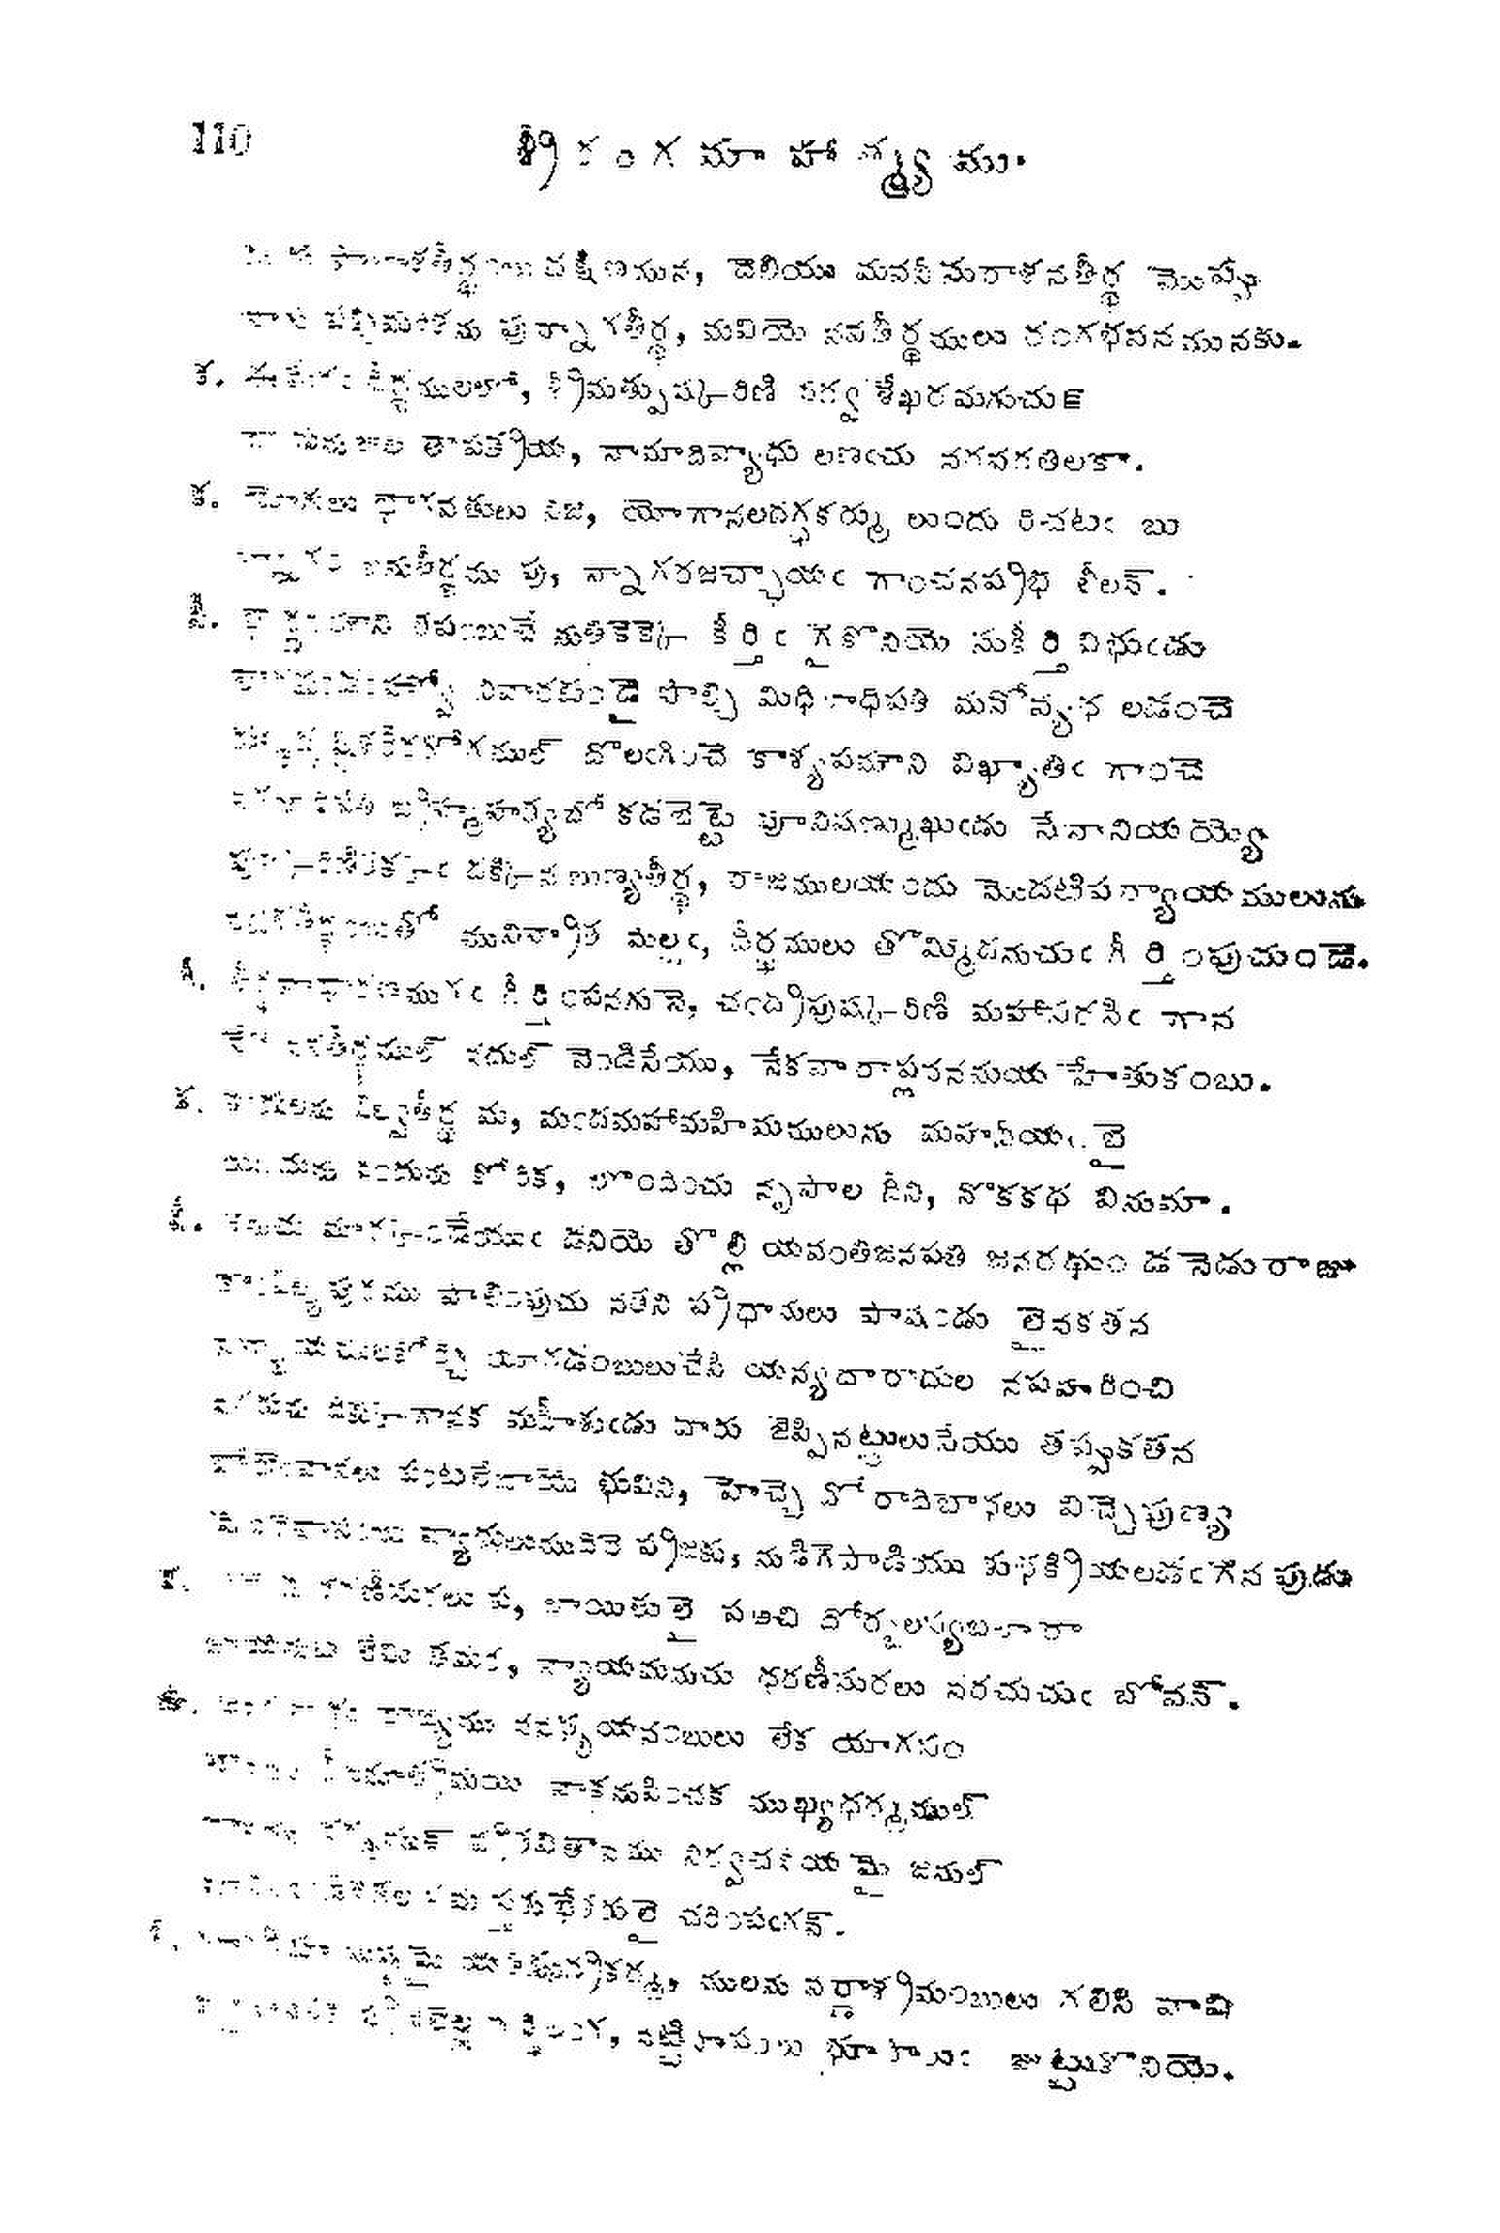మీరు పాలాశతీర్థంబు దక్షిణమున, దెలియు మవనీసురాశనతీర్థ మొప్పు
 నాగు పశ్చిమదిశను పున్నాగతీర్థ, మవియె నన తీర్థములు రంగభవనమునకు.
క. ఈమేరఁ తీర్థములలో, శ్రీమత్పుష్కరిణి సర్వశేఖరమగుచున్
 దా మనుజుల తాపత్రయ, నామాదివ్యాధు లణఁచు నరవరతిలకా.
క. యోగులు భాగవతులు నిజ, యోగానలదగ్ధకర్ము లుందు రిచటఁ బు
 న్నాగం బనుతీర్థము పు, న్నాగరజచ్ఛాయఁ గాంచనప్రభ లీలన్.
సీ. భార్గవమౌని తపంబుచే నుతికెక్కె కీర్తిఁ గైకొనియె సుకీర్తి విభుఁడు
 తారకుఁడఁహ్వో నివారకుఁడై పొల్చి మిథిలాపతి మనోవ్యథ లడంచె
 రుగ్మదృష్టిశరీరరోగముల్ దొలఁగించె కాశ్యపమౌని విఖ్యాతిఁ గాంచె
 నగజాధిపతి బ్రహ్మహత్యబొ కడబెట్టె పూనిషణ్ముఖుఁడు సేనానియయ్యె
 పుష్కరిణితక్కఁ దక్కిన బుణ్యతీర్థ, రాజములందు మొదటిపర్యాయములును
 వకుళతీర్థంబుతో మునివ్రాతమెల్లఁ, దీర్థములు తొమ్మిదనుచుఁ గీర్తింపుచుండె.
గీ. తీర్థనాధారణముగఁ గీర్తింపనగునె, చంద్రపుష్కరిణి మహాసరసిఁ గాన
 వేరె నవతీర్థముల్ నదుల్ వెండిసేయు, నేకవారాప్లవనమయహేతుకంబు.
క. ఇందులను బిల్వతీర్థ మ, మందమహామహిమములును మహనీయంబై
 యిందును నందును కోరిక, లొందించు నృపాల దీని, నొకకథ వినుమా.
సీ. అనుచు మార్కండేయుఁ డనియె తొల్లి యవంతిజనపతి జనరథుం డనెడురాజు
 కాంపిల్యపురము పాలింపుచు నతని ప్రధానులు పాషండు లైనకతన
 నన్యాయముల కోర్చి యాగడంబులు చేసి యన్యదారాదుల నపహరించి
 నగరును దిక్కు గానక మహీశుఁడు వారు జెప్పినట్టులు సేయు తప్పుకతన
 పోయె వానలు పంట లేదాయె భువిని, హెచ్చె చోరాదిబాధలు విచ్చె పుణ్య
 మెదిరె పాపంబు వ్యాధులు ముదిరె ప్రజకు, నుడిగె పాడియు శుభక్రియ లడఁగె నపుడు.
క. ఆయెడ ధరణీసురలు ప, లాయితులై పఱచి దోర్బలస్యబలారా
 జా యనుట లేమి తమర, న్యాయమనుచు ధరణీసురలు నరచుచుఁ బోవన్.
ఉ. ఆనరనాథు రాజ్యము ననధ్యయనంబులు లేక యాగసం
 తానము బీజమాత్రమయి నాకనుపించక ముఖ్యధర్మముల్
 దానము ధర్మమున్ వ్రతవితానము నిర్వచనీయమై జనుల్
 మైనవదండివెతల సమస్తశుభేతరులై చరింపఁగన్.
గీ. క్షుద్రాభూయిష్టమై యతిక్షుద్రకర్మ, ములను వర్ణాశ్రమంబులు గలిసి వావి
 వర్తనలులేక ప్రజలెల్ల వర్తిలంగ, నట్టిపాపంబు భూపాలుఁ జుట్టుకొనియె.